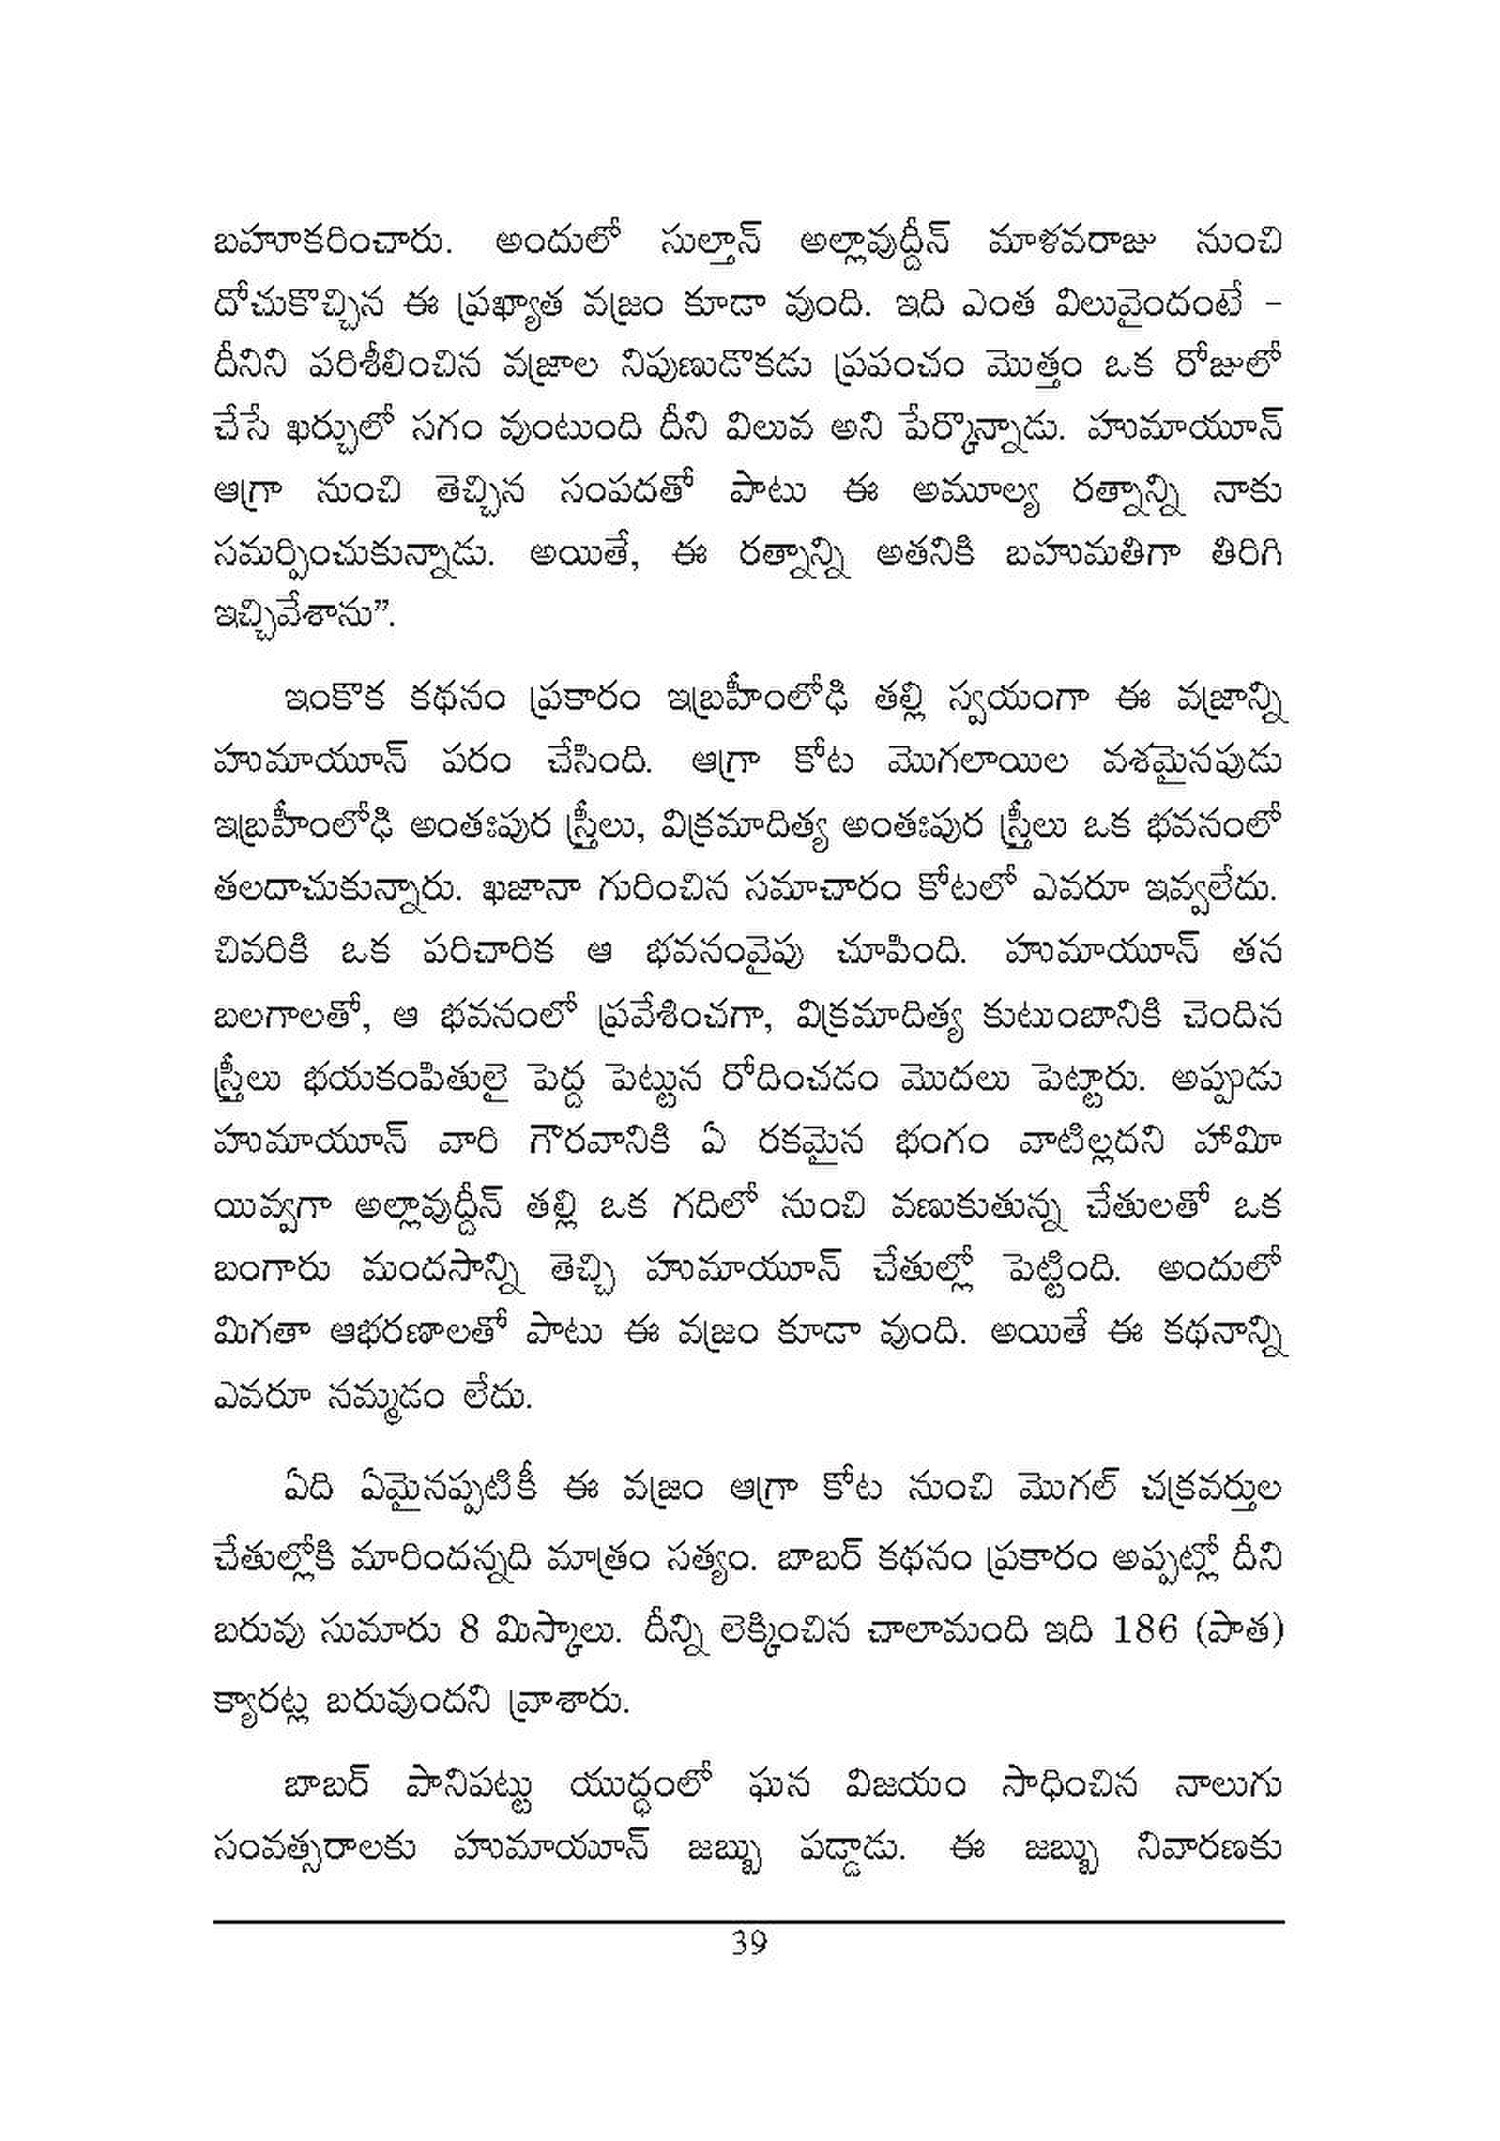బహూకరించారు. అందులో సుల్తాన్ అల్లావుద్దీన్ మాళవరాజు నుంచి దోచుకొచ్చిన ఈ ప్రఖ్యాత వజ్రం కూడా వుంది. ఇది ఎంత విలువైందంటే - దీనిని పరిశీలించిన వజ్రాల నిపుణుడొకడు ప్రపంచం మొత్తం ఒక రోజులో చేసే ఖర్చులో సగం వుంటుంది దీని విలువ అని పేర్కొన్నాడు. హుమాయూన్ ఆగ్రా నుంచి తెచ్చిన సంపదతో పాటు ఈ అమూల్య రత్నాన్ని నాకు సమర్పించుకున్నాడు. అయితే, ఈ రత్నాన్ని అతనికి బహుమతిగా తిరిగి ఇచ్చివేశాను".

ఇంకొక కథనం ప్రకారం ఇబ్రహీంలోఢి తల్లి స్వయంగా ఈ వజ్రాన్ని హుమాయూన్ పరం చేసింది. ఆగ్రా కోట మొగలాయిల వశమైనపుడు ఇబ్రహీంలోఢి అంతఃపురస్త్రీలు, విక్రమాదిత్య అంతఃపుర స్త్రీలు ఒక భవనంలో తలదాచుకున్నారు. ఖజానా గురించిన సమాచారం కోటలో ఎవరూ ఇవ్వలేదు. చివరికి ఒక పరిచారిక ఆ భవనంవైపు చూపింది. హుమాయూన్ తన బలగాలతో, ఆ భవనంలో ప్రవేశించగా, విక్రమాదిత్య కుటుంబానికి చెందిన స్త్రీలు భయకంపితులై పెద్ద పెట్టున రోదించడం మొదలు పెట్టారు. అప్పుడు హుమాయూన్ వారి గౌరవానికి ఏ రకమైన భంగం వాటిల్లదని హామి యివ్వగా అల్లావుద్దీన్ తల్లి ఒక గదిలో నుంచి వణుకుతున్న చేతులతో ఒక బంగారు మందసాన్ని తెచ్చి హుమాయూన్ చేతుల్లో పెట్టింది. అందులో మిగతా ఆభరణాలతో పాటు ఈ వజ్రం కూడా వుంది. అయితే ఈ కథనాన్ని ఎవరూ నమ్మడం లేదు.

ఏది ఏమైనప్పటికీ ఈ వజ్రం ఆగ్రా కోట నుంచి మొగల్ చక్రవర్తుల చేతుల్లోకి మారిందన్నది మాత్రం సత్యం. బాబర్ కథనం ప్రకారం అప్పట్లో దీని బరువు సుమారు 8 మిస్కాలు. దీన్ని లెక్కించిన చాలామంది ఇది 186 (పాత) క్యారట్ల బరువుందని వ్రాశారు.

బాబర్ పానిపట్టు యుద్ధంలో ఘన విజయం సాధించిన నాలుగు సంవత్సరాలకు హుమాయూన్ జబ్బు పడ్డాడు. ఈ జబ్బు నివారణకు